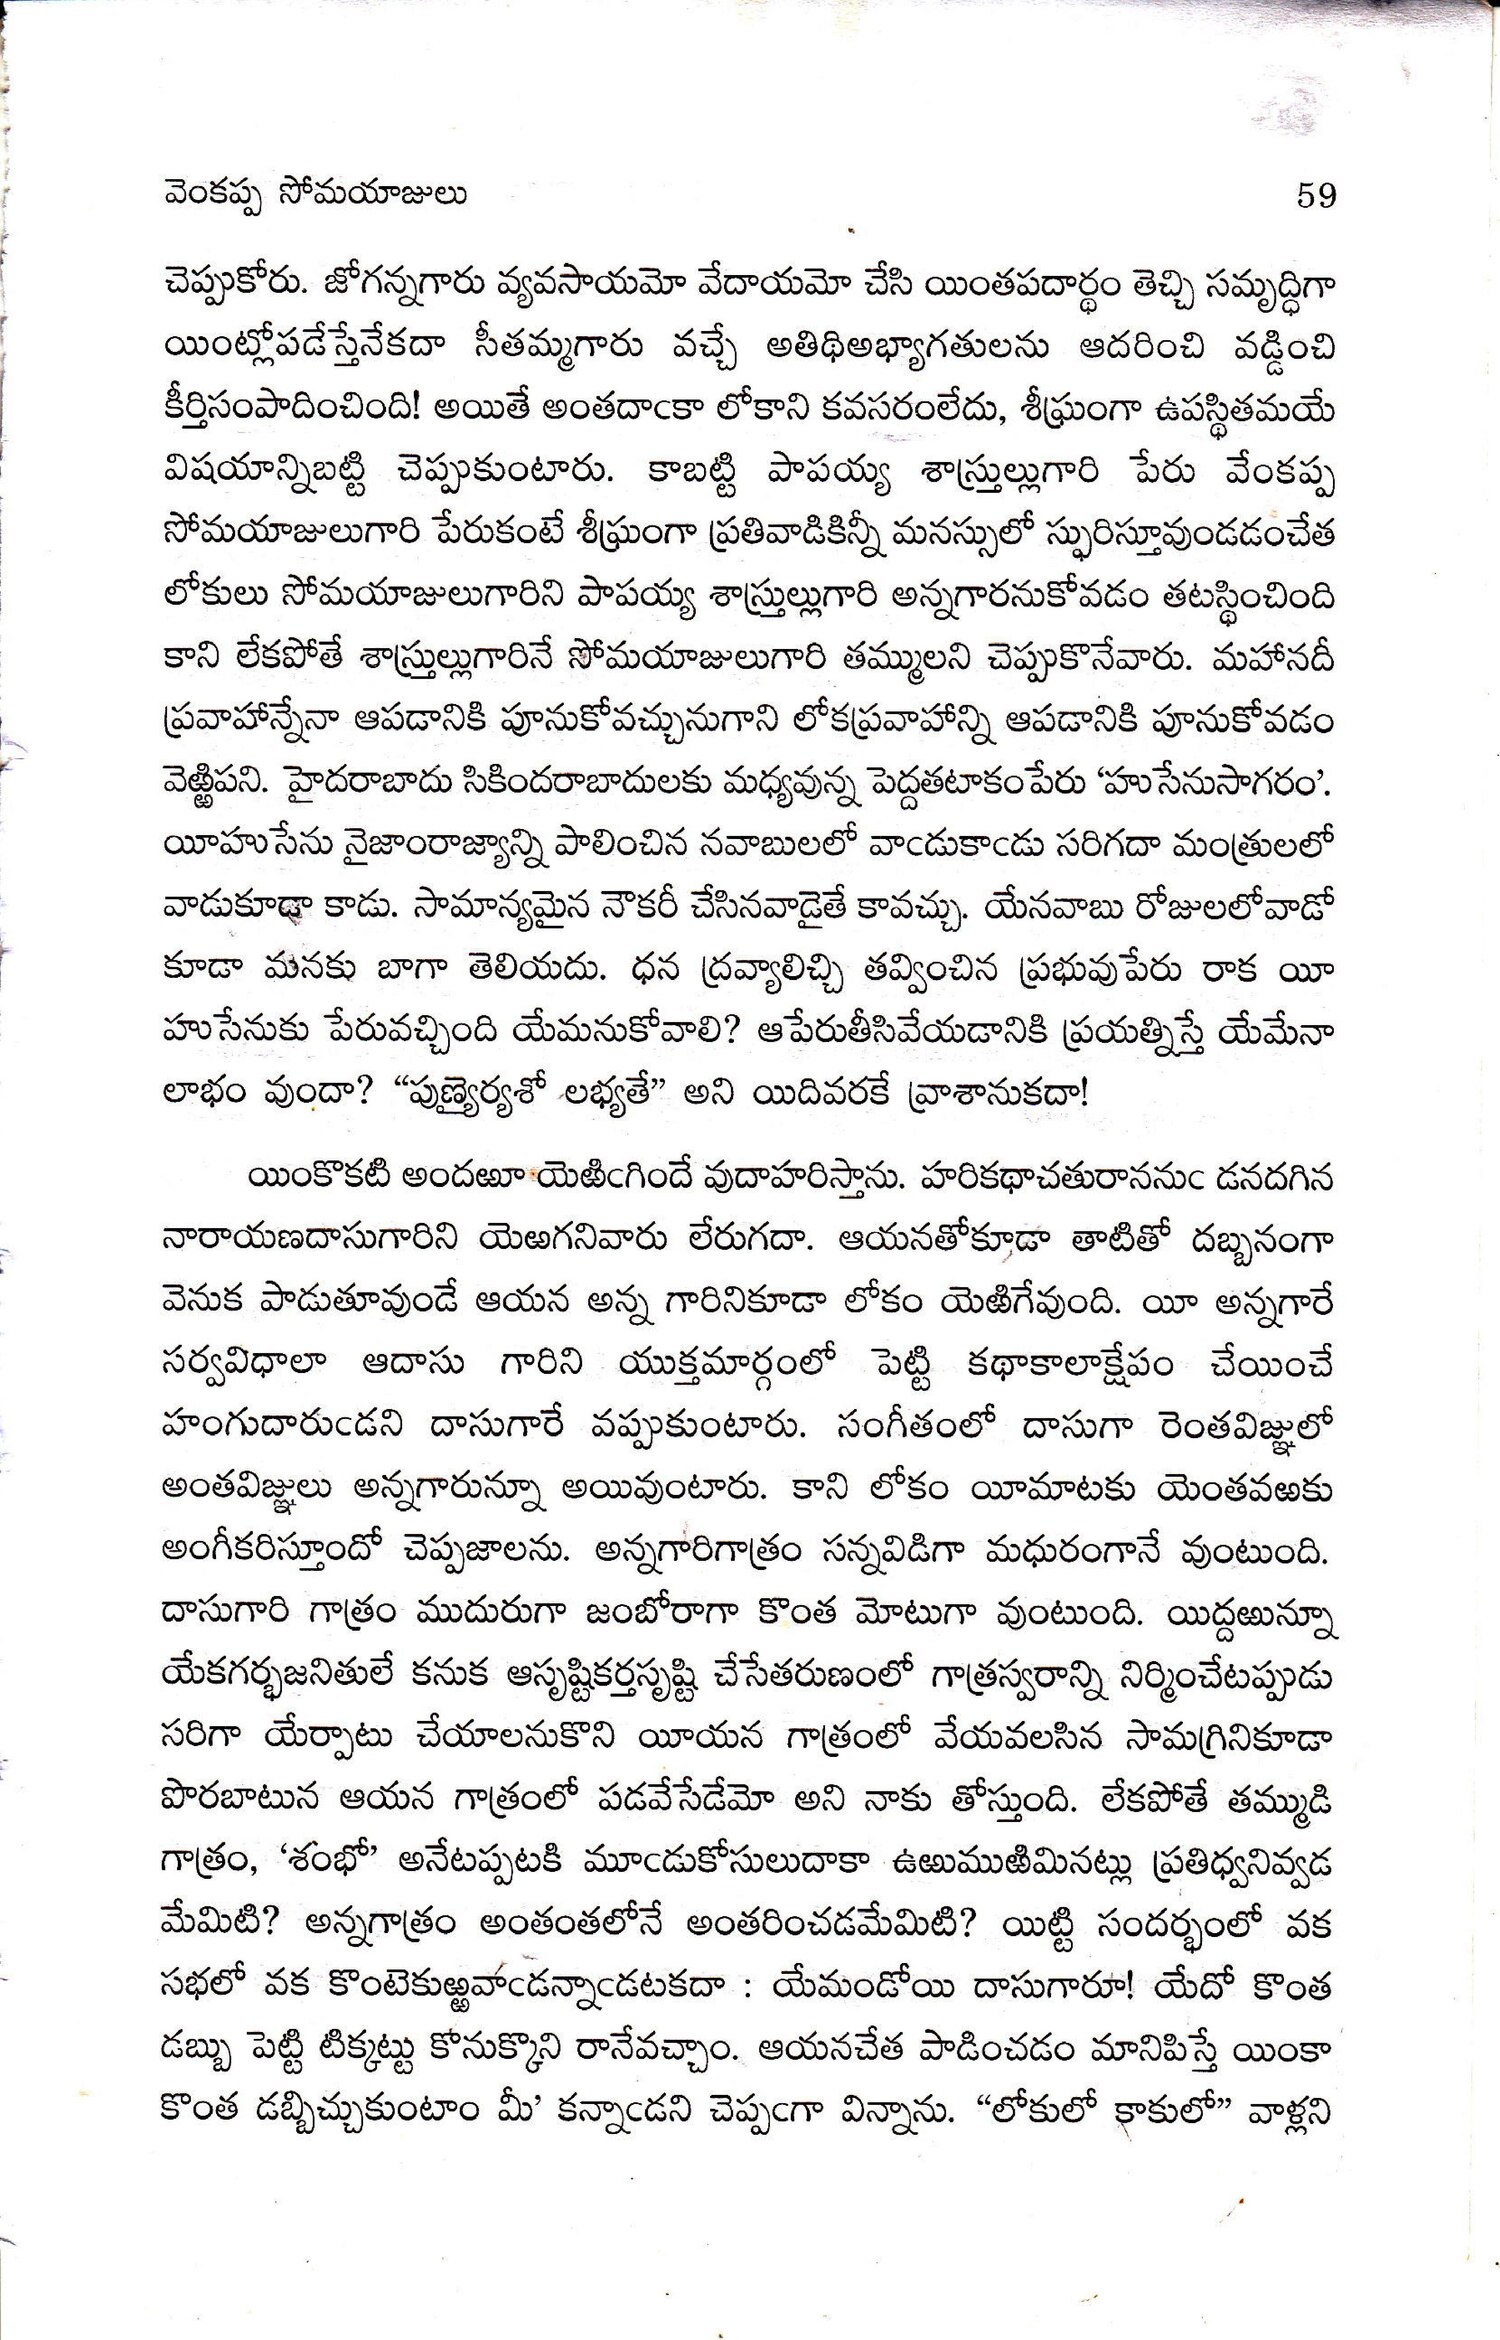చెప్పకోరు. జోగన్నగారు వ్యవసాయమో వేదాయమో చేసి యింతపదార్థం తెచ్చి సమృద్ధిగా యింట్లోపడేస్తేనే కదా సీతమ్మగారు వచ్చే అతిథి అభ్యాగతులను ఆదరించి వడ్డించి కీర్తిసంపాదించింది! అయితే అంతదాకా లోకాని కవసరంలేదు, శీఘ్రంగా ఉపస్థితమయే విషయాన్నిబట్టి చెప్పకుంటారు. కాబట్టి పాపయ్య శాస్రుల్లుగారి పేరు వేంకప్ప సోమయాజులుగారి పేరుకంటే శీఘ్రంగా ప్రతివాడికిన్నీ మనస్సులో స్ఫురిస్తూవుండడంచేత లోకులు సోమయాజులుగారిని పాపయ్య శాస్రుల్లుగారి అన్నగారనుకోవడం తటస్థించింది కాని లేకపోతే శాస్రుల్లుగారినే సోమయాజులుగారి తమ్ములని చెప్పకొనేవారు. మహానదీ ప్రవాహాన్నేనా ఆపడానికి పూనుకోవచ్చునుగాని లోకప్రవాహాన్ని ఆపడానికి పూనుకోవడం వెట్టిపని. హైదరాబాదు సికిందరాబాదులకు మధ్యవున్న పెద్దతటాకంపేరు హుసేనుసాగరం, యీహుసేను నైజాంరాజ్యాన్ని పాలించిన నవాబులలో వాండుకాండు సరిగదా మంత్రులలో వాడుకూడా కాడు. సామాన్యమైన నౌకరీ చేసినవాడైతే కావచ్చు. యేనవాబు రోజులలోవాడో కూడా మనకు బాగా తెలియదు. ధన ద్రవ్యాలిచ్చి తవ్వించిన ప్రభువుపేరు రాక యీ హుసేనుకు పేరువచ్చింది యేమనుకోవాలి? ఆపేరుతీసివేయడానికి ప్రయత్నిస్తే యేమేనా లాభం వుందా? పుణ్యెర్యశో లభ్యతే" అని యిదివరకే వ్రాశానుకదా!
యింకొకటి అందఱూయెఱిఁగిందే వుదాహరిస్తాను. హరికథాచతురాననుం డనదగిన నారాయణదాసుగారిని యెఱగనివారు లేరుగదా. ఆయనతోకూడా తాటితో దబ్బనంగా వెనుక పాడుతూవుండే ఆయన అన్న గారినికూడా లోకం యెఱిగేవుంది. యీ అన్నగారే సర్వవిధాలా ఆదాసు గారిని యుక్తమార్గంలో పెట్టి కథాకాలాక్షేపం చేయించే హంగుదారుcడని దాసుగారే వప్పకుంటారు. సంగీతంలో దాసుగా రెంతవిజ్ఞలో అంతవిజ్ఞలు అన్నగారున్నూ అయివుంటారు. కాని లోకం యీమాటకు యెంతవఱకు అంగీకరిస్తూందో చెప్పజాలను. అన్నగారిగాత్రం సన్నవిడిగా మధురంగానే వుంటుంది. దాసుగారి గాత్రం ముదురుగా జంబోరాగా కొంత మోటుగా వుంటుంది. యిద్దఱున్నూ యేకగర్భజనితులే కనుక ఆసృష్టికర్తసృష్టి చేసేతరుణంలో గాత్రస్వరాన్ని నిర్మించేటప్పుడు సరిగా యేర్పాటు చేయాలనుకొని యీయన గాత్రంలో వేయవలసిన సామగ్రినికూడా పొరబాటున ఆయన గాత్రంలో పడవేసేదేమో అని నాకు తోస్తుంది. లేకపోతే తమ్మడి గాత్రం, శంభో అనేటప్పటకి మూCడుకోసులుదాకా ఉఱుముటిమినట్లు ప్రతిధ్వనివ్వడ మేమిటి? అన్నగాత్రం అంతంతలోనే అంతరించడమేమిటి? యిట్టి సందర్భంలో వక సభలో వక కొంటెకుబ్జవాండన్నాండటకదా : యేమండోయి దాసుగారూ! యేదో కొంత డబ్బు పెట్టి టికట్టు కొనుక్కొని రానేవచ్చాం. ఆయనచేత పాడించడం మానిపిస్తే యింకా కొంత డబ్బిచ్చుకుంటాం మీ కన్నాండని చెప్పంగా విన్నాను. "లోకులో కాకులో వాళ్లని